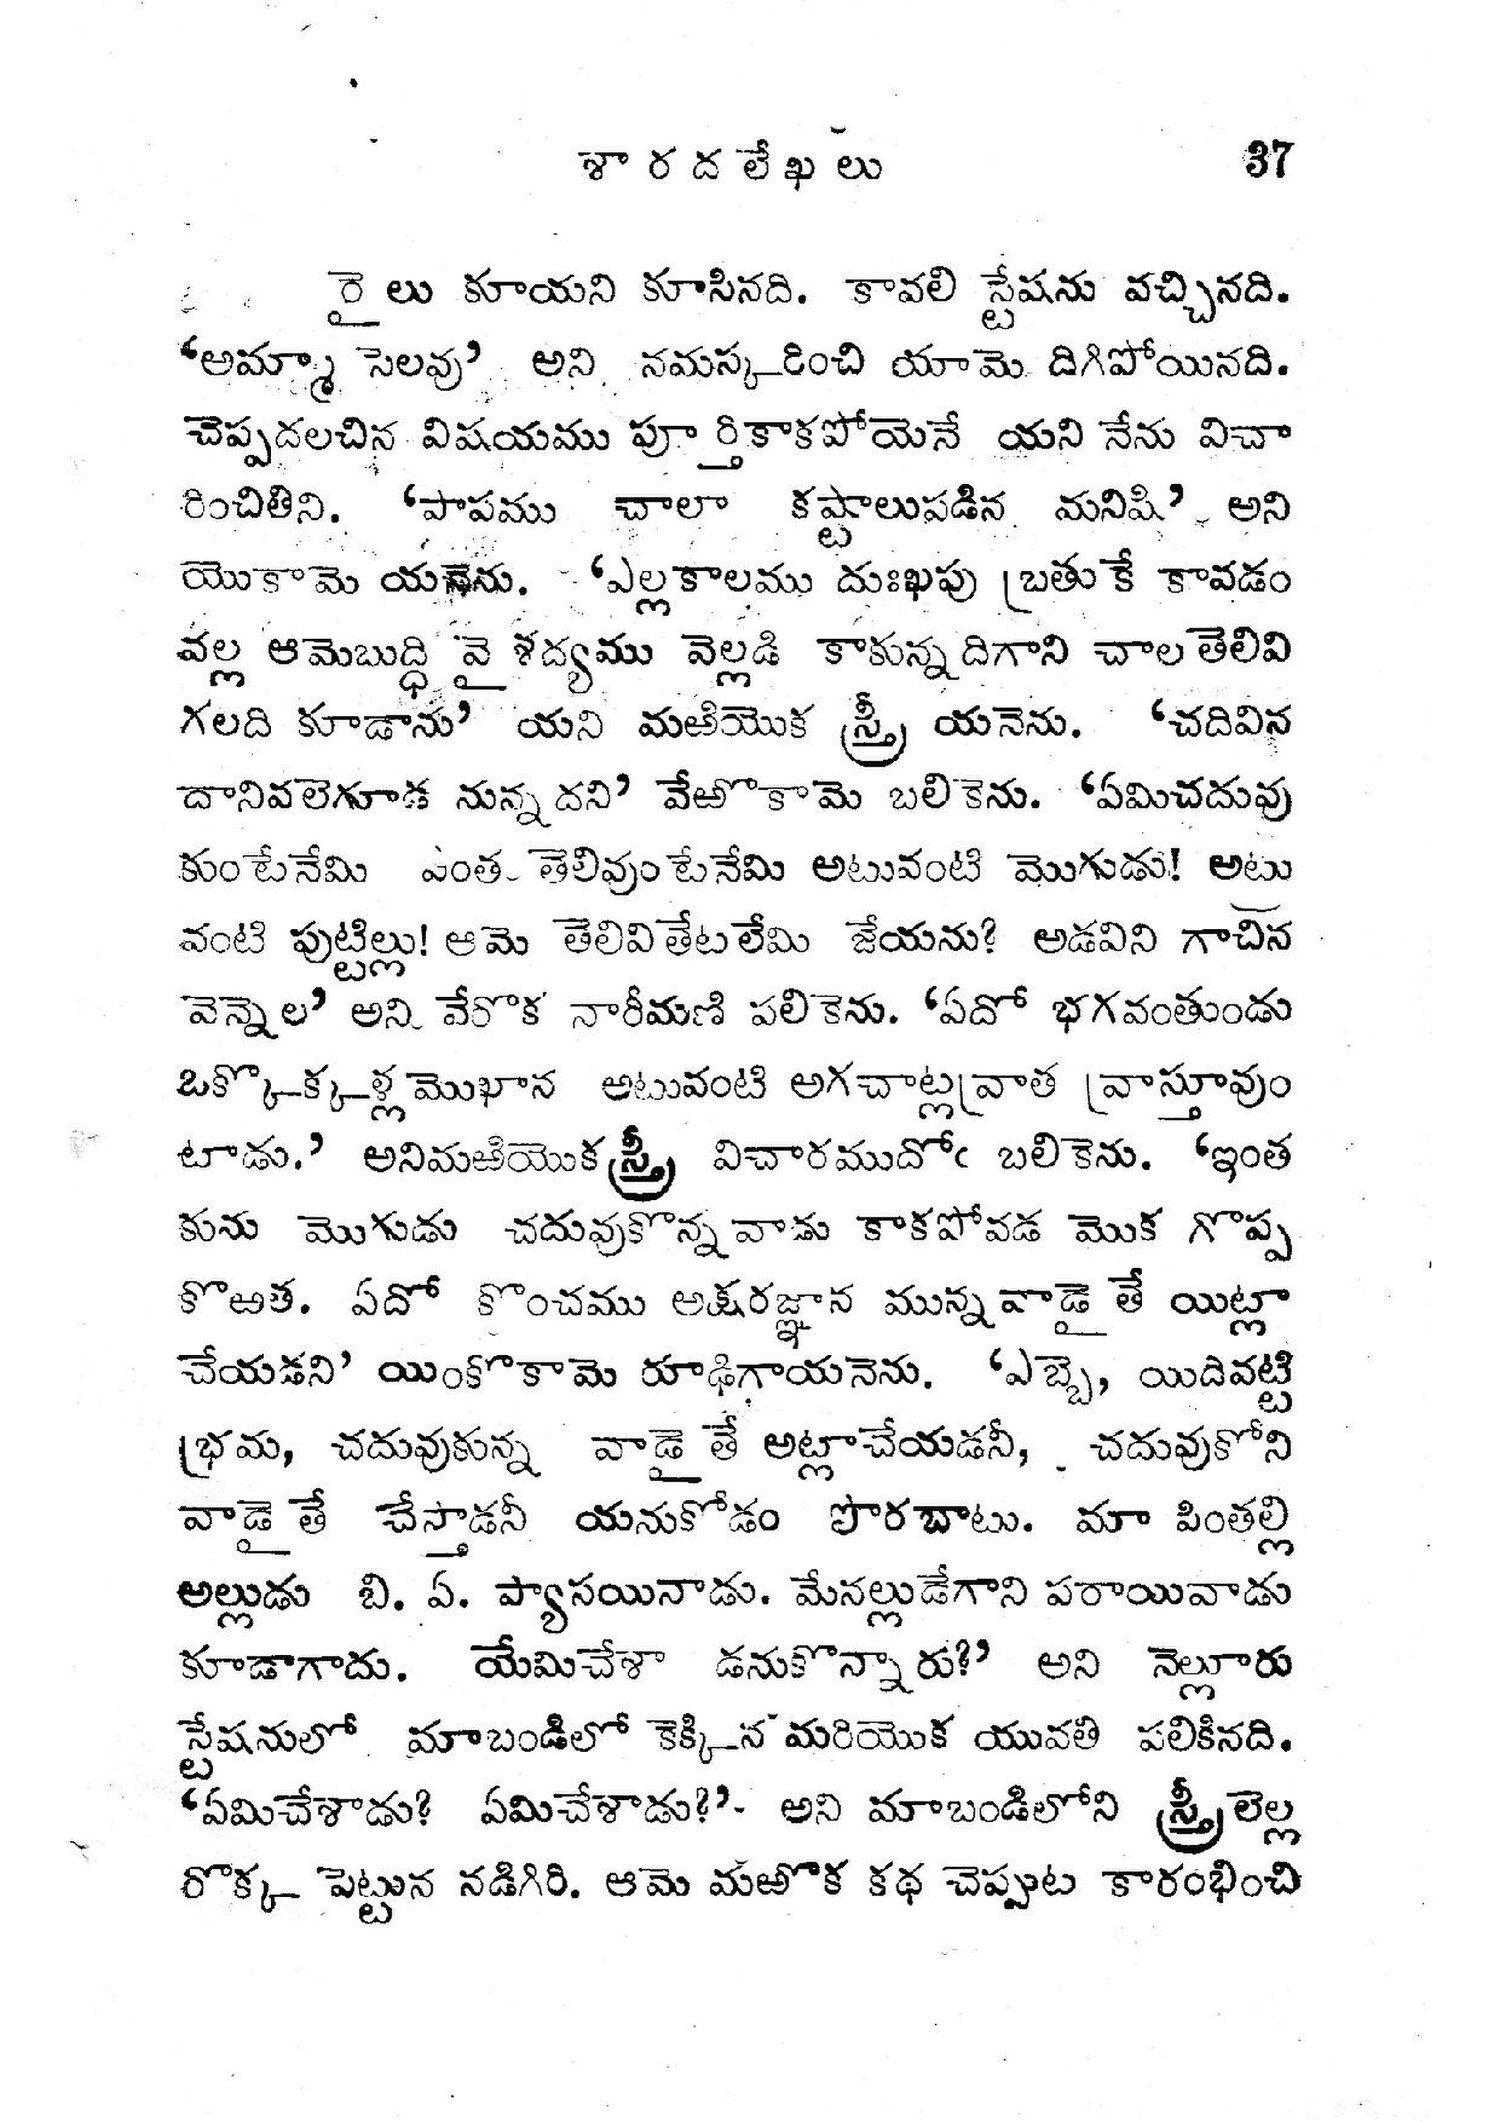రైలు కూయని కూసినది. కావలి స్టేషను వచ్చినది. 'అమ్మా సెలవు' అని నమస్కరించి యామె దిగిపోయినది. చెప్పదలచిన విషయము పూర్తికాకపోయెనే యని నేను విచారించితిని. 'పాపము చాలా కష్టాలుపడిన మనిషి' అని యొకామె యనెను. 'ఎల్లకాలము దుఃఖపు బ్రతుకే కావడంవల్ల ఆమెబుద్ధి వైశద్యము వెల్లడి కాకున్నదిగాని చాలతెలివిగలది కూడాను' యని మఱియొక స్త్రీ యనెను. 'చదివిన
దానివలెగూడ నున్నదని' వేఱొకామె బలికెను. 'ఏమిచదువుకుంటేనేమి ఎంత తెలివుంటేనేమి అటువంటి మొగుడు! అటువంటి పుట్టిల్లు! ఆమె తెలివితేటలేమి జేయను? అడవిని గాచిన వెన్నెల' అని వేరొక నారీమణి పలికెను. 'ఏదో భగవంతుండు ఒక్కొక్కళ్లమొఖాన అటువంటి అగచాట్లవ్రాత వ్రాస్తూవుంటాడు.' అనిమఱియొకస్త్రీ విచారముదోఁ బలికెను. 'ఇంతకును మొగుడు చదువుకొన్నవాడు కాకపోవడ మొక గొప్ప
కొఱత. ఏదో కొంచము అక్షరజ్ఞాన మున్నవాడైతే యిట్లా చేయడని' యింకొకామె రూఢిగాయనెను. 'ఎబ్బె, యిదివట్టి భ్రమ, చదువుకున్న వాడైతే అట్లాచేయడనీ, చదువుకోని వాడైతే చేస్తాడనీ యనుకోడం పొరబాటు. మా పింతల్లి అల్లుడు బి.ఏ. ప్యాసయినాడు. మేనల్లుడేగాని పరాయివాడు కూడాగాదు. యేమిచేశా డనుకొన్నారు?' అని నెల్లూరు స్టేషనులో మాబండిలో కెక్కిన మరియొక యువతి పలికినది.
'ఏమిచేశాడు? ఏమిచేశాడు?' అని మాబండిలోని స్త్రీలెల్ల రొక్క పెట్టున నడిగిరి. ఆమె మఱొక కథ చెప్పుట కారంభించి